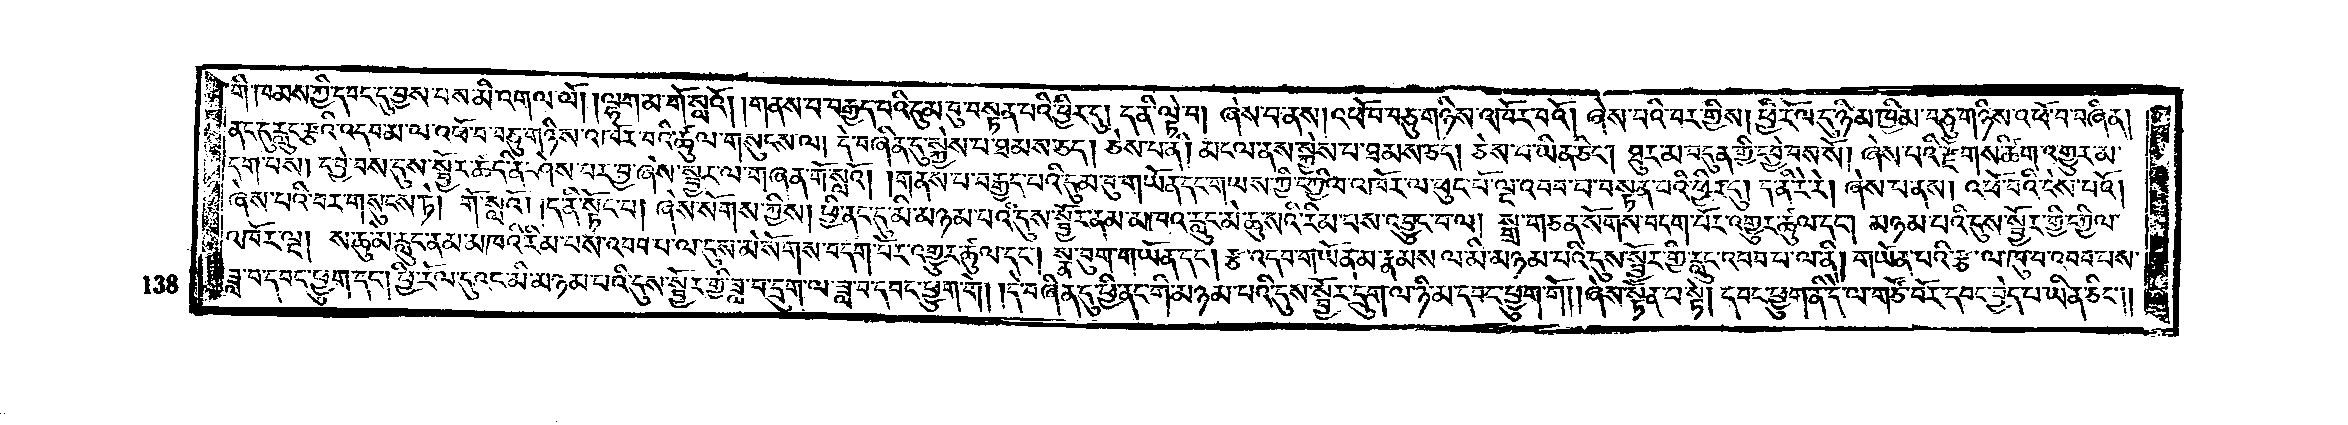གི་ཁམས་ཀྱི་དབང་དུ་བྱས་པས་མི་འགལ་ལོ། །ལྷག་མ་གོ་སླའོ། །གནས་པ་བརྒྱད་པའི་དུམ་བུ་བསྟན་པའི་ཕྱིར་དུ། ད་ནི་ལྟེ་བ། ཞེས་པ་ནས། འཕོ་བ་བཅུ་གཉིས་འཁོར་བའོ། ཞེས་པའི་བར་གྱིས། ཕྱི་རོལ་དུ་ཉི་མ་ཁྱིམ་བཅུ་གཉིས་འཕོ་བ་བཞིན།
ནང་དུ་རླུང་རྩའི་འདབ་མ་ལ་འཕོ་བ་བཅུ་གཉིས་འཁོར་བའི་ཚུལ་གསུངས་ལ། དེ་བཞིན་དུ་སྐྱེས་པ་ཐམས་ཅད། ཅེས་པ་ནི། མངལ་ནས་སྐྱེས་པ་ཐམས་ཅད། ཅེས་པ་ཡིན་ཅིང་། ཐུར་མ་བདུན་གྱི་དབྱེ་བས་སོ། ཞེས་པའི་རྫོགས་ཚིག་འགྱུར་མ་
དག་པས། དབྱེ་བས་དུས་སྦྱོར་ཚད་ནི་ཤེས་པར་བྱ་ཞེས་སྦྱར་ལ་གཞན་གོ་སླའོ། །གནས་པ་བརྒྱད་པའི་དུམ་བུ་གཡོན་དང་གཡས་ཀྱི་དཀྱིལ་འཁོར་ལ་ཕུང་པོ་ལྔ་འབབ་པ་བསྟན་པའི་ཕྱིར་དུ། ད་ནི་རེ་རེ། ཞེས་པ་ནས། འཕོ་བའི་ངེས་པའོ།
ཞེས་པའི་བར་གསུངས་ཏེ། གོ་སླའོ། །ད་ནི་སྟོང་པ། ཞེས་སོགས་ཀྱིས། ཕྱི་ནང་དུ་མི་མཉམ་པའི་དུས་སྦྱོར་ནམ་མཁའ་རླུང་མེ་ཆུ་སའི་རིམ་པས་འབྱུང་བ་ལ། སྒྲ་གཅན་སོགས་བདག་པོར་འགྱུར་ཚུལ་དང་། མཉམ་པའི་དུས་སྦྱོར་གྱི་དཀྱིལ་
འཁོར་ལྔ། ས་ཆུ་མེ་རླུང་ནམ་མཁའི་རིམ་པས་འབབ་པ་ལ་དུས་མེ་སོགས་བདག་པོར་འགྱུར་ཚུལ་དང་། སྣ་བུག་གཡོན་དང་། རྩ་འདབ་གཡོན་མ་རྣམས་ལ་མི་མཉམ་པའི་དུས་སྦྱོར་གྱི་རླུང་འབབ་པ་ལ་ནི། གཡོན་པའི་རྩ་ལ་ཁུ་བ་འབབ་པས་
ཟླ་བ་དབང་ཕྱུག་དང་། ཕྱི་རོལ་དུའང་མི་མཉམ་པའི་དུས་སྦྱོར་གྱི་ཟླ་བ་དྲུག་ལ་ཟླ་བ་དབང་ཕྱུག་གོ ། །དེ་བཞིན་དུ་ཕྱི་ནང་གི་མཉམ་པའི་དུས་སྦྱོར་དྲུག་ལ་ཉི་མ་དབང་ཕྱུག་གོ ། །ཞེས་སྟོན་པ་སྟེ། དབང་ཕྱུག་ནི་དེ་ལ་གཙོ་བོར་དབང་བྱེད་པ་ཡིན་ཅིང་། །